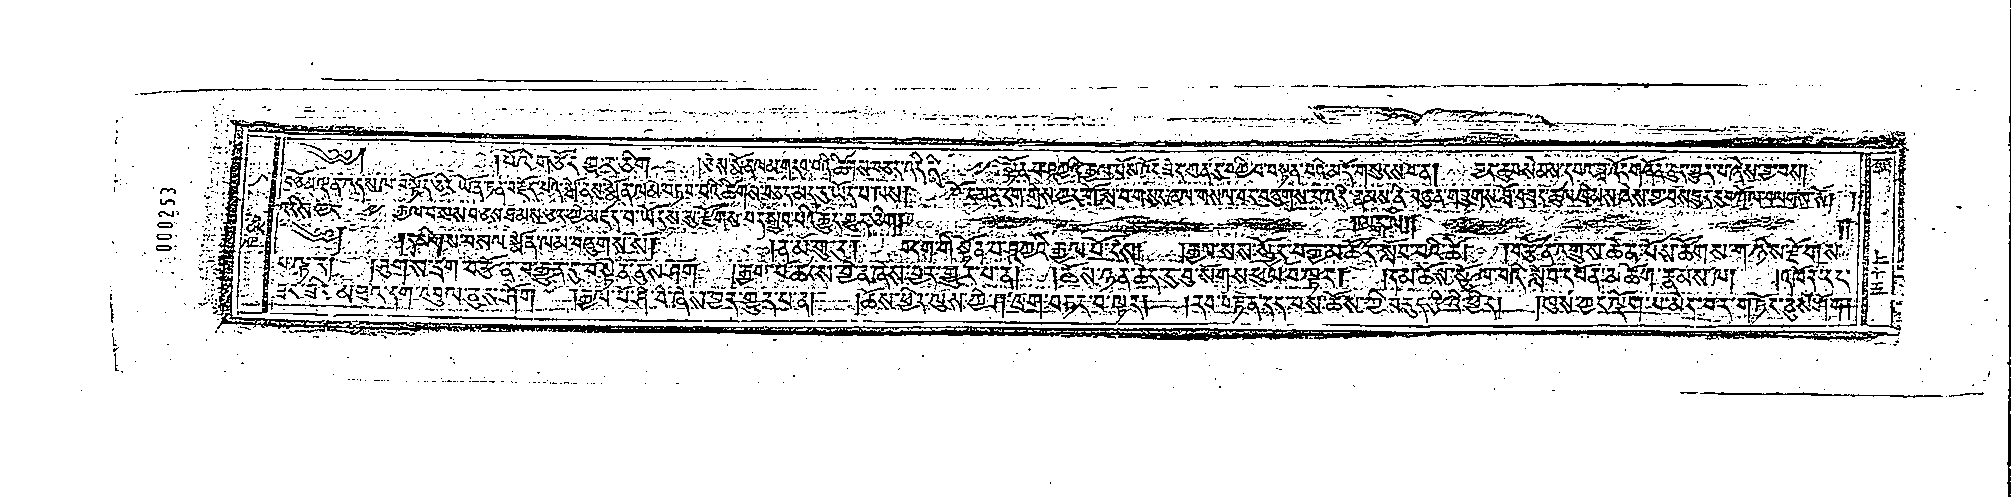༄༅། །པོའི་གཙོར་གྱུར་ཅིག །ཅེས་སྨོན་ལམ་གདབ་པའི་ཚིགས་བཅད་འདི་ནི་༧་སྟོན་པ་ཤཱཀྱའི་རྒྱལ་པོས་འོད་ཟེར་ཀུན་དུ་བགྱི་བ་བསྟན་པའི་མདོ་གསུངས་པ་ན། བྱང་ཆུབ་སེམས་དཔའ་ཟླ་འོང་གཞོན་ནུར་གྱུར་པ་ཞེས་བྱ་བས།
བཅོམ་ལྡན་འདས་ལ་བསྟོད་ཅིང་ཡོན་ཏན་བརྗོད་པའི་སྒོ་ནས་སྨོན་ལམ་བཏབ་བའི་ཚིགས་བཅད་མང་དུ་ཡོང་པ་ལས། བོ་དམན་དག་གིས་ཀྱང་གོ་སླ་བ་གསུང་ཞལ་གསལ་བར་བཞུགས་པ་འདི་རྣམས་ནི་བཙུན་གཟུགས་བློ་བཟང་ཚུལ་ཁྲིམས་ཞེས་བྱ་བས་བྲུར་དུ་བཀོལ་བ་ལགས་སོ། །
འདིས་ཀྱང་༧་རྒྱལ་བསྲས་བཅས་ཐམས་ཅད་ཀྱི་མཛད་པ་ཡོངས་སུ་རྫོགས་པར་སྒྲུབ་པའི་རྒྱུར་གྱུར་ཅིག། །།མངྒ་ལཾ།། །།
༄༅། །དམིགས་བསལ་སྨོན་ལམ་བཞུགས་སོ། །ན་མོ་གུ་རུ། བདག་གི་སྟོན་པ་ཤཱཀྱའི་རྒྱལ་པོ་དེས། །རྒྱལ་སྲས་སྤྱོད་པ་རྒྱ་མཚོར་སློབ་པའི་ཚེ། །བརྩོན་འགྲུས་ཆེན་པོས་ཚོགས་གཉིས་རྫོགས་
པ་ལྟར། །ཤུགས་དྲག་བརྩོན་པ་རྒྱུན་དུ་བསྟེན་ནུས་ཤོག །རྒྱལ་པོ་ཚངས་བྱིན་ཞེས་བྱར་གྱུར་པ་ན། །ཆོས་ཉན་ཆེད་དུ་བུ་སོགས་ཕུལ་བ་ལྟར། །དམ་ཆོས་སྟོལ་བའི་སློབ་དཔོན་མཆོག་རྣམས་ལ། །འཁོར་དང་
ཟང་ཟིང་མཐའ་དག་འབུལ་ནུས་ཤོག །རྒྱལ་པོ་ཤི་བཻ་ཞེས་བྱར་གྱུར་པ་ན། །ཆོས་ཕྱིར་ལུས་ཀྱི་ཤ་ཁྲག་བཏང་བ་ལྟར། །རབ་བརྟན་ངང་པས་ཆོས་ཀྱི་བདུད་རྩིའི་ཕྱིར། །ལུས་ཀྱང་ལྡོག་པ་མེད་བར་གཏོང་ནུས་ཤོག།